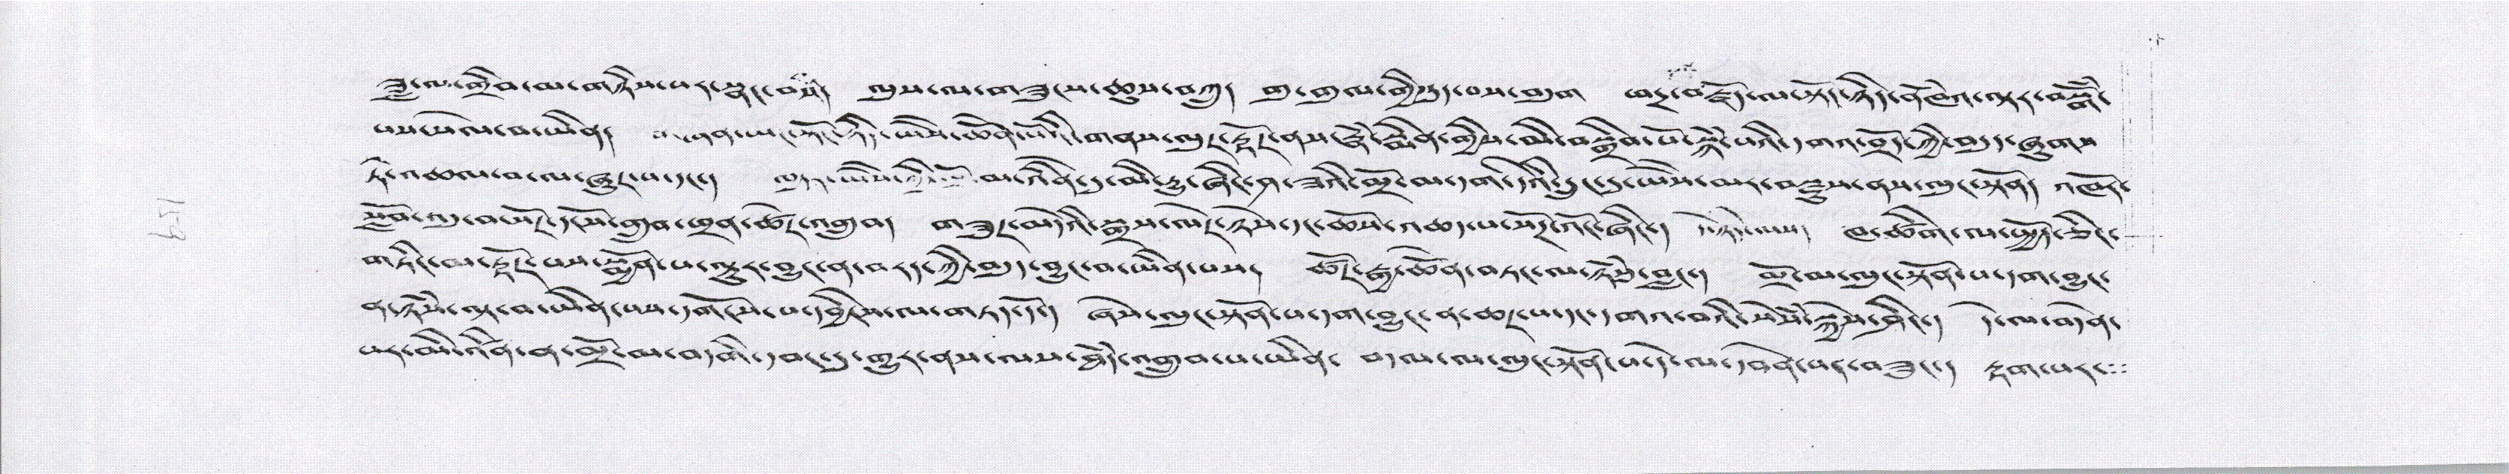ཟླ་ལ་གྲིབ་མ་གཉིས་སྣང་བའི། ལུས་ལ་གཟུང་ཆུས་བཀྲུ། གུ་གུལ་གྱི་དུད་པས་བདུག ཕཊཿབརྗོད་ལ་སྟོང་ཉིད་ནམ་མཁའ་ལྟར་བསྒོམ་
པས་སེལ་བ་ཡིན། གཞན་ཡང་སྟོང་ཉིད་ཡེ་ཤེས་ཆེན་པོའི་གནས་ལུགས་རྟོགས་ནས་རྣམ་སྨིན་གྱིས་མི་བསྒྲིབས་སོ་སྙམ་པའི་དགའ་བྲོད་ཀྱི་བདུད་ཞུགས་
ཏེ་འཆལ་བ་ལ་ཞུགས་པ་དང་། ཁྱད་པར་ཡེ་ཤེས་ཀྱི་མཁའ་འགྲོ་མ་འཇིག་རྟེན་དུ་མི་རྒྱུ་བ་དང་ཤ་ཤའི་མཁའ་འགྲོ་མ་དག་དེའི་དྲུང་དུ་ཡེ་ཤེས་མར་བརྫུས་ནས་ལུང་སྟོན། འཁོར་
སློབ་འདུ་བ་སོགས་དངོས་གྲུབ་ཕྲན་ཚེགས་འགྲུབ། གཟུགས་མེད་པའི་སྒྲས་ལེགས་ཉེས་དང་ཆོས་འཆད་པ་སོགས་འོང་ཞིང་། དེ་ཉིད་ལས། ཁ་ཚིག་ལ་སྤྱོད་ཅིང་
གཏིང་མ་རྟོགས་པས་སྨྱོན་པ་ལྟ་བུར་བྱུང་ན་བར་ཆད་ཀྱི་བདུད་བྱུང་བ་ཡིན་པས་ཚོགས་རྒྱ་ཆེན་པོ་བཏང་ལ་ཉམས་སུ་བླང་། མཁའ་འགྲོ་མ་ལུང་བསྟན་པ་དག་བྱུང་
ན་ཉམས་ལྟ་བ་ཡིན་པས་དགོངས་པ་དབྱིངས་ལ་གཏད་དོ། ཞེས་ལུང་བསྟན་པ་དག་བྱུང་ན་ཆགས་པ་དང་དགའ་བའི་སེམས་སྐྱེས་ཤིང་། དེ་ལ་བདེན་
པར་མི་འཛིན་ན་མཁའ་འགྲོ་མ་བདག་གི་དབང་དུ་གྱུར་ནས་ལས་ཐམས་ཅད་འགྲུབ་པ་ཡིན། བདལ་ལ་ལུང་སྟོན་པ་དེ་ལ་དབེན་པར་བཟུང་། རྟག་པར་